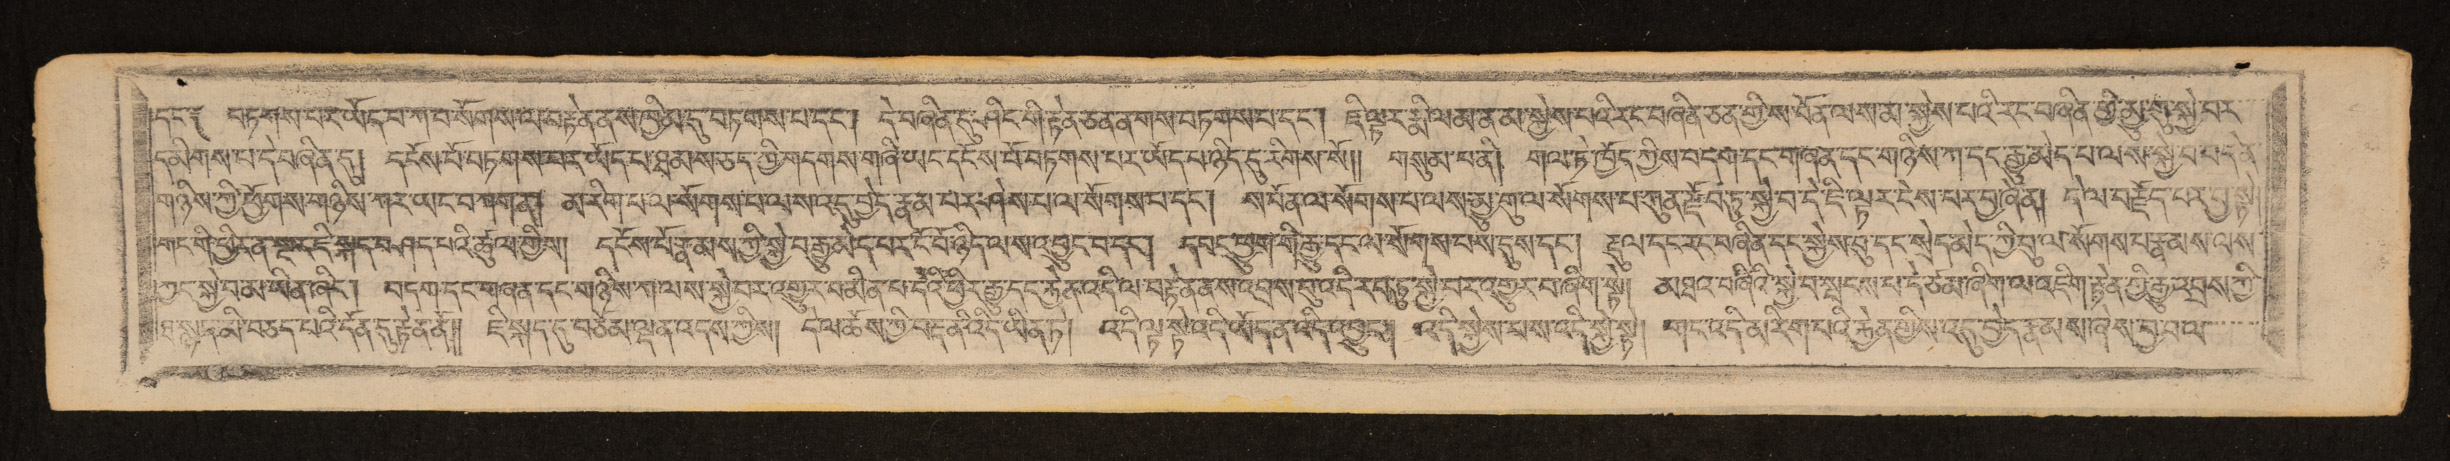དང༑ བཏགས་པར་ཡོད་པ་ཀ་བ་སོགས་ལ་བརྟེན་ནས་ཁྱིམ་དུ་བཏགས་པ་དང་། དེ་བཞིན་དུ་ཤིང་གི་རྟེན་ཅན་ནགས་བཏགས་པ་དང་། ཇི་ལྟར་རྨི་ལམ་ན་མ་སྐྱེས་པའི་རང་བཞིན་ཅན་གྱི་ས་བོན་ལས་མ་སྐྱེས་པའི་རང་བཞིན་གྱི་མྱུ་གུ་སྐྱེ་བར་
དམིགས་པ་དེ་བཞིན་དུ། དངོས་པོ་བཏགས་པར་ཡོད་པ་ཐམས་ཅད་ཀྱི་གདགས་གཞི་ཡང་དངོས་པོ་བཏགས་པར་ཡོད་པ་ཉིད་དུ་རིགས་སོ།། གསུམ་པ་ནི། གལ་ཏེ་ཁྱོད་ཀྱིས་བདག་དང་གཞན་དང་གཉིས་ཀ་དང་རྒྱུ་མེད་པ་ལས་སྐྱེ་བ་བདེན་
གཉིས་ཀྱི་ཕྱོགས་གཉིས་ཀར་ཡང་བཀག་ན། མ་རིག་པ་ལ་སོགས་པ་ལས་འདུ་བྱེད་རྣམ་པར་ཤེས་པ་ལ་སོགས་པ་དང་། ས་བོན་ལ་སོགས་པ་ལས་མྱུ་གུ་ལ་སོགས་པ་ཀུན་རྫོབ་ཏུ་སྐྱེ་བ་དེ་ཇི་ལྟར་ངེས་པར་བྱ་ཞེ་ན། དེ་ལ་བརྗོད་པར་བྱ་སྟེ།
གང་གི་ཕྱིར་ན་སྔར་ཇི་སྐད་བཤད་པའི་ཚུལ་གྱིས། དངོས་པོ་རྣམས་ཀྱི་སྐྱེ་བ་རྒྱུ་མེད་པར་ངོ་བོ་ཉིད་ལས་འབྱུང་བ་དང་། དབང་ཕྱུག་གི་རྒྱུ་དང་ལ་སོགས་པས་དུས་དང་། རྡུལ་དང་རང་བཞིན་དང་སྐྱེས་བུ་དང་སྲེད་མེད་ཀྱི་བུ་ལ་སོགས་པ་རྣམས་ལས་
ཀྱང་སྐྱེ་བ་མ་ཡིན་ཞིང་། བདག་དང་གཞན་དང་གཉིས་ཀ་ལས་སྐྱེ་བར་འགྱུར་བ་མིན་པ་དེའི་ཕྱིར་རྒྱུ་དང་རྐྱེན་འདི་ལ་བརྟེན་ནས་འབྲས་བུ་འདི་རབ་ཏུ་སྐྱེ་བར་འགྱུར་བ་ཞིག་སྟེ། མཐའ་བཞིའི་སྐྱེ་བ་སྤངས་པ་དེ་ཙམ་ཞིག་ལ་འཇིག་རྟེན་གྱི་རྒྱུ་འབྲས་ཀྱི་
ཐ་སྙད་མི་བཅད་པའི་དོན་དུ་རྟེན་ནོ།། ཇི་སྐད་དུ་བཅོམ་ལྡན་འདས་ཀྱིས། དེ་ལ་ཆོས་ཀྱི་བརྡ་ནི་འདི་ཡིན་ཏེ། འདི་ལྟ་སྟེ་འདི་ཡོད་ན་འདི་འབྱུང་། འདི་སྐྱེས་པས་འདི་སྐྱེ་སྟེ། གང་འདི་མ་རིག་པའི་རྐྱེན་གྱིས་འདུ་བྱེད་རྣམས་ཞེས་བྱ་བ་ལ་